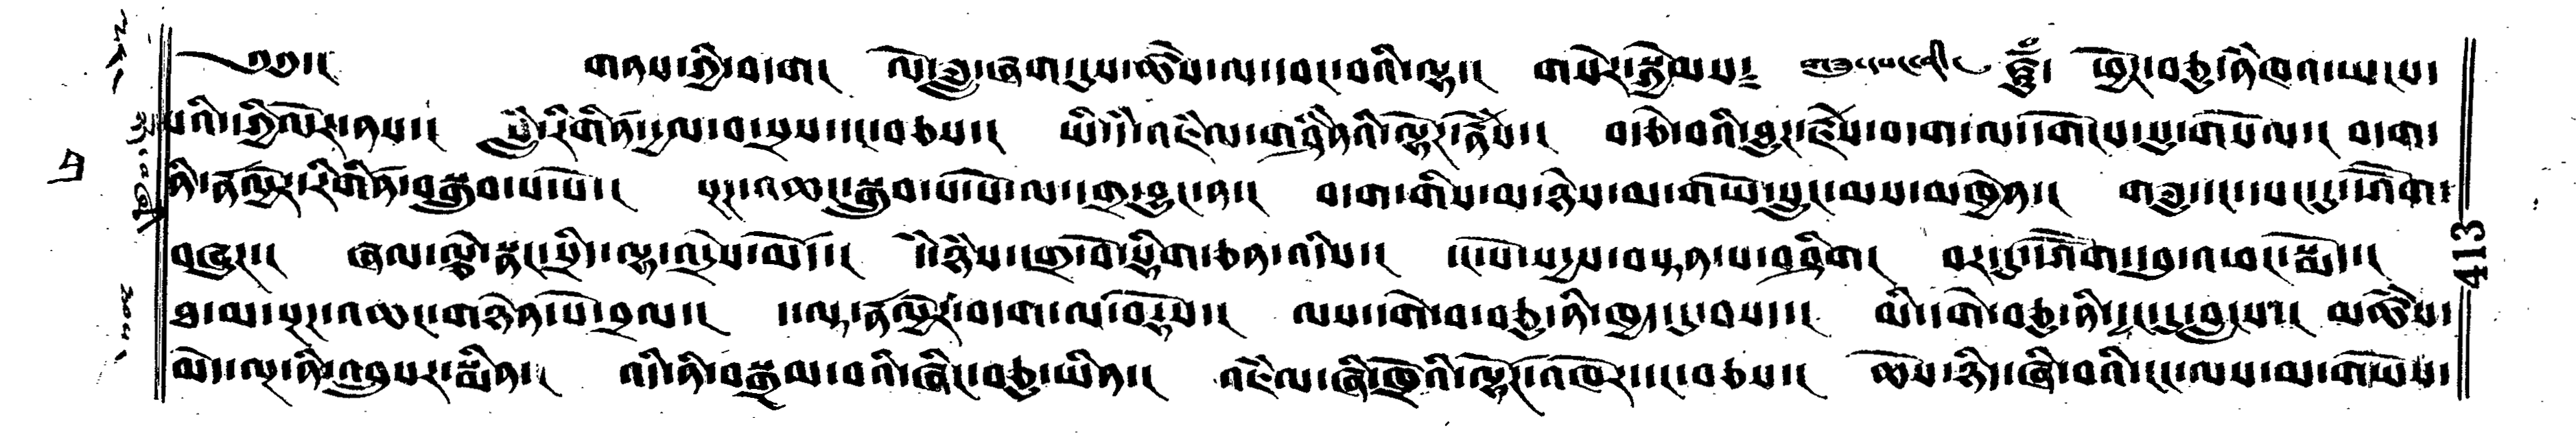གནས་ཀྱི་བདག། ལོ་ཟླ་ཞག་དུས་ཚེས་ལ་དབང་བའི་ལྷ། །གསེར་སྐྱེམས༴ གཟུ་དཔང་ནི། ཧཱུྃ། ཕྱོགས་བཅུ་ནམ་མཁའ་ཡངས་
པའི་དཀྱིལ་འཁོར་ནས། །བླ་མ་རིག་འཛིན་རྒྱལ་བ་སྲས་དང་བཅས། །ཡི་དམ་འཇམ་དཔལ་གཤིན་རྗེའི་ལྷ་ཚོགས་རྣམས། །བརྩེ་བའི་ཐུགས་རྗེས་བདག་ལ་དགོངས་སུ་གསོལ། །བདག་
ནི་རྣལ་འབྱོར་རིག་འཛིན་སྒྲུབ་པ་པོ། །སྔགས་འཆང་སྒྲུབ་པ་པོ་ལ་དགྲ་བྱུང་ན། །བདག་གི་མ་ཉེས་མ་གཡོ་སྲུང་མས་མཁྱེན། །གཟུ་དང་དཔང་དུ་དཀོན་མཆོག་
བཞུགས། །ཞལ་ལྕེ་སྣང་སྲིད་ལྷ་འདྲེས་མཛོད། །དམ་ཉམས་དགྲ་བོ་སྡིག་ཅན་འདིས། །དང་པོ་སངས་རྒྱས་བསྟན་པ་བཤིགས། །བར་དུ་དཀོན་མཆོག་དབུ་འཕང་སྨད། །
ཐ་མ་སྔགས་འཆང་གཉེན་པོ་བྲལ། །ད་ལྟ་རྣལ་འབྱོར་བདག་ལ་བསྡོས། །དགེ་བ་བཅུ་ནི་ཁྱད་དུ་བསད། །མི་དགེ་བཅུ་ནི་དང་དུ་བླངས། །མཚམས་
མེད་ལྔ་ནི་འབྲས་བུར་སྨིན། །འདི་ནི་བསྒྲལ་བའི་ཞིང་བཅུ་ཡིན། །འཇམ་དཔལ་ཞི་ཁྲོའི་ལྷ་ཚོགས་འཁོར་དང་བཅས། །ཆོས་ཉིད་ཞི་བའི་ངང་ལས་མ་གཡོས་